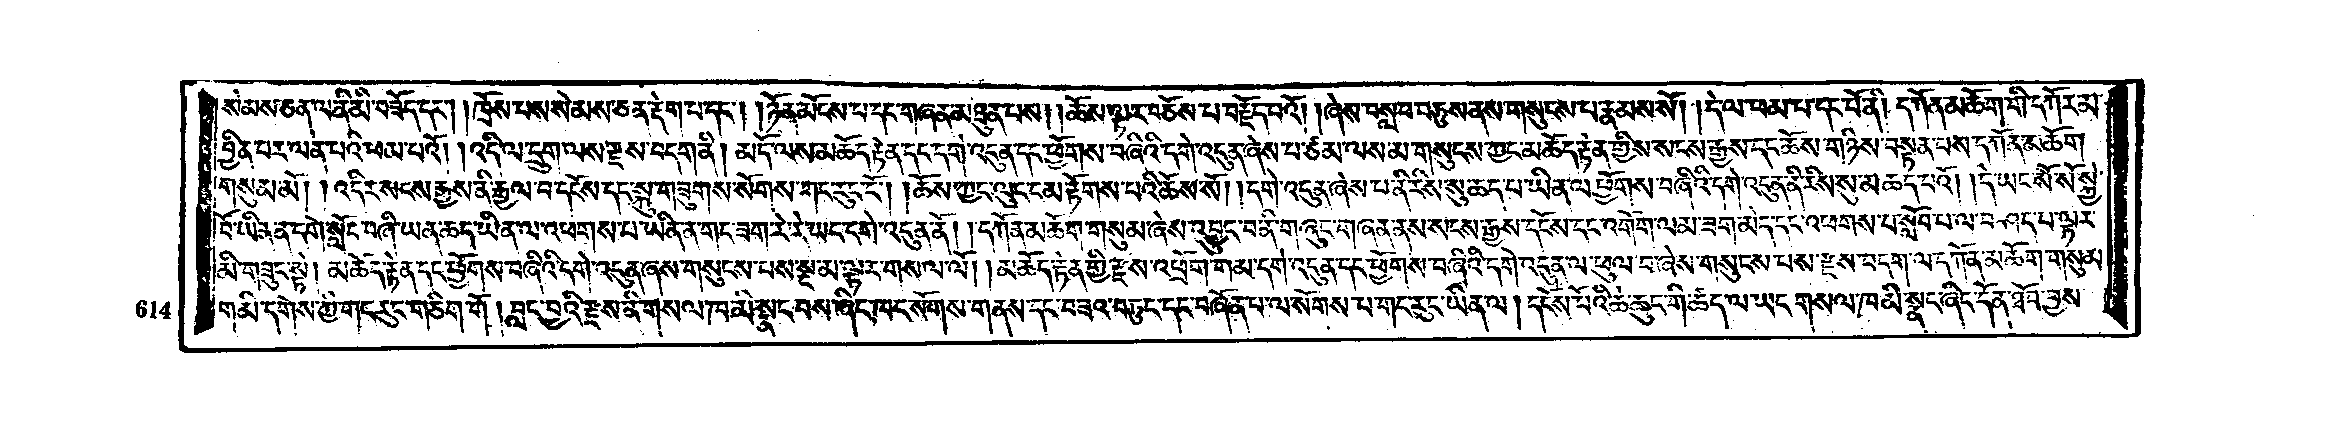སེམས་ཅན་ལ་ནི་མི་བཟོད་དང་། །ཁྲོས་པས་སེམས་ཅན་རྡེག་པ་དང་། །ཉོན་མོངས་པ་དང་གཞན་མཐུན་པས། །ཆོས་ལྟར་བཅོས་པ་བརྗོད་པའོ། །ཞེས་བསླབ་བཏུས་ནས་གསུངས་པ་རྣམས་སོ། །དེ་ལ་ཕམ་པ་དང་པོ་ནི། དཀོན་མཆོག་གི་དཀོར་མ་
བྱིན་པར་ལན་པའི་ཕམ་པའོ། །འདི་ལ་དྲུག་ལས་རྫས་བདག་ནི། མདོ་ལས་མཆོད་རྟེན་དང་དགེ་འདུན་དང་ཕྱོགས་བཞིའི་དགེ་འདུན་ཞེས་པ་ཙམ་ལས་མ་གསུངས་ཀྱང་མཆོད་རྟེན་གྱིས་སངས་རྒྱས་དང་ཆོས་གཉིས་བསྟན་པས་དཀོན་མཆོག་
གསུམ་མོ། །འདིར་སངས་རྒྱས་ནི་རྒྱལ་བ་དངོས་དང་སྐུ་གཟུགས་སོགས་གང་རུང་ངོ། །ཆོས་ཀྱང་ལུང་ངམ་རྟོགས་པའི་ཆོས་སོ། །དགེ་འདུན་ཞེས་པ་ནི་རིས་སུ་ཆད་པ་ཡིན་ལ་ཕྱོགས་བཞིའི་དགེ་འདུན་ནི་རིས་སུ་མཆད་པའོ། །དེ་ཡང་སོ་སོ་སྐྱེ་
བོ་ཡིན་ན་དགེ་སློང་བཞི་ཡན་ཆད་ཡིན་ལ་འཕགས་པ་ཡིན་ན་གང་ཟག་རེ་རེ་ཡང་དགེ་འདུན་ནོ། །དཀོན་མཆོག་གསུམ་ཞེས་འབྱུང་བ་ནི་གཞུང་གཞན་ནས་སངས་རྒྱས་དངོས་དང་འགོག་ལམ་ཟག་མེད་དང་འཕགས་པ་སློབ་པ་ལ་བཤད་པ་ལྟར་
མི་གཟུང་སྟེ། མཆོད་རྟེན་དང་ཕྱོགས་བཞིའི་དགེ་འདུན་ཞས་གསུངས་པས་སྔ་མ་ལྟར་གསལ་ལོ། །མཆོད་རྟེན་གྱི་རྫས་འཕྲོག་གམ་དགེ་འདུན་དང་ཕྱོགས་བཞིའི་དགེ་འདུན་ལ་ཕུལ་བ་ཞེས་གསུངས་པས་རྫས་བདག་ལ་དཀོན་མཆོག་གསུམ་
ག་མི་དགོས་ཀྱི་གང་རུང་གཅིག་གོ །བླང་བྱའི་རྫས་ནི་གསལ་ཁ་མི་སྣང་བས་ཞིང་ཁང་སོགས་གནས་དང་བཟའ་བཏུང་དང་བཞོན་པ་ལ་སོགས་པ་གང་རུང་ཡིན་ལ། དངོས་པོའི་ཆེ་ཆུང་གི་ཚད་ལ་ཡང་གསལ་ཁ་མི་སྣང་ཞིང་དོན་ཐོབ་བྱས་